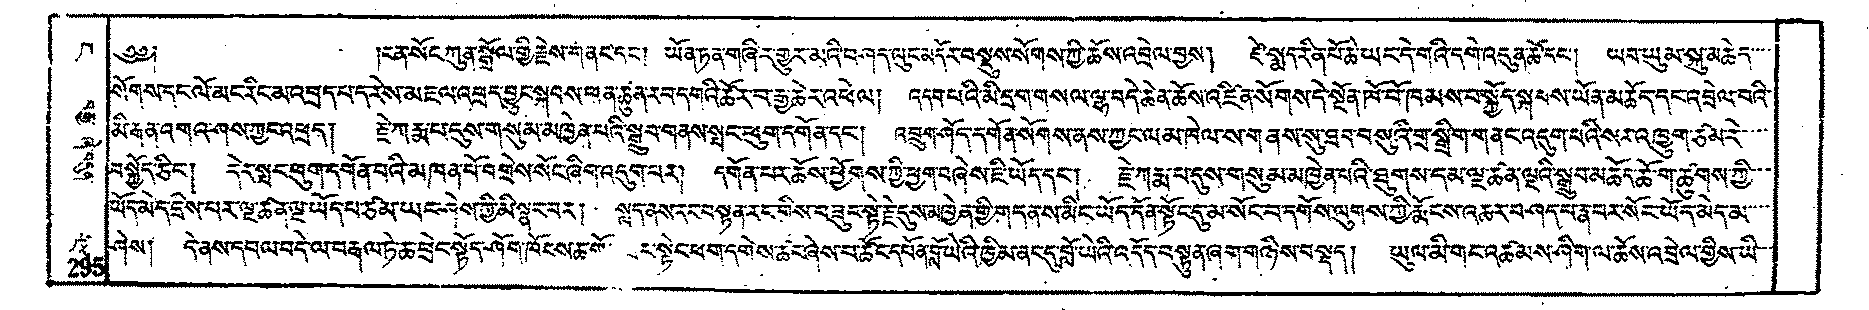༄༅། །ངན་སོང་ཀུན་སྒྲོལ་གྱི་རྗེས་གནང་དང་། ཡོན་ཏན་གཞིར་གྱུར་མའི་བཤད་ལུང་མདོར་བསྡུས་སོགས་ཀྱི་ཆོས་འབྲེལ་བྱས། ཛེ་སྨད་རིན་པོ་ཆེ་ཡང་དེ་གའི་དགེ་འདུན་ཚོ་དང་། ཡབ་ཡུམ་སྐུ་མཆེད་
སོགས་དང་ལོ་མང་རིང་མ་འཕྲད་པ་ད་རེས་མཇལ་འཕྲད་བྱུང་སྐབས་ཕན་ཚུན་རབ་དགའི་ཚོར་བ་རྒྱ་ཆེར་འཕེལ། འདབ་པའི་མི་དྲག་གསལ་ལྷ་བདེ་ཆེན་ཆོས་འཛིན་སོགས་དེ་སྔོན་ཁོ་བོ་ཁམས་པ་སྐྱོད་སྐབས་ཡོན་མཆོད་དང་འབྲེལ་བའི་
མི་རྒན་འགའ་ཤས་ཀྱང་འཕྲད། རྗེ་ཀརྨ་པ་དུས་གསུམ་མཁྱེན་པའི་སྒྲུབ་གནས་སྤང་ཕུག་དགོན་དང་། འབྲུག་ཤོད་དགོན་སོགས་ནས་ཀྱང་ལམ་ཁེལ་ས་གནས་སུ་ཐབ་བསུའི་གྲ་སྒྲིག་གནང་འདུག་པའི་སར་འཁྱུག་ཙམ་རེ་
བསྐྱོད་ཅིང་། དེར་སྤང་ཕུག་དགོན་པའི་མཁན་པོ་བགྲེས་སོང་ཞིག་འདུག་པར། དགོན་པར་ཆོས་ཕྱོགས་ཀྱི་ཕྱག་བཞེས་ཇི་ཡོད་དང་། རྗེ་ཀརྨ་པ་དུས་གསུམ་མཁྱེན་པའི་ཐུགས་དམ་ལྔ་ཚན་ལྔའི་སྒྲུབ་མཆོད་ཆོ་ག་ཚུགས་ཀྱི་
ཡོད་མེད་དྲིས་པར་ལྔ་ཚན་ལྔ་ཡོད་པ་ཙམ་ཡང་ཤེས་ཀྱི་མི་སྣང་བར། སླད་ནས་རང་བསྟན་རང་གིས་བཟུང་སྟེ་རྗེ་དུས་མཁྱེན་གྱི་གདན་ས་མིང་ཡོད་དོན་སྟོང་དུ་མ་སོང་བ་དགོས་ལུགས་ཀྱི་རྨོངས་འཆར་བཤད་པ་རྣ་བར་སོང་ཡོད་མེད་མ་
ཤེས། དེ་ནས་དཔལ་བདེ་ལ་བརྒལ་ཏེ་ཆ་ཕྲེང་སྟོད་ཤོག་ཁོངས་ཆ་གོང་ཐང་སྟེང་ཕག་དགེས་ཚང་ཞེས་པ་ཚོང་དཔོན་བློ་ཡེའི་ཁྱིམ་ནང་དུ་བློ་ཡེའི་འདོད་བསྟུན་ཞག་གཉིས་བསྡད། ཡུལ་མི་གང་འཚམས་ཤིག་ལ་ཆོས་འབྲེལ་གྱིས་ཡི་